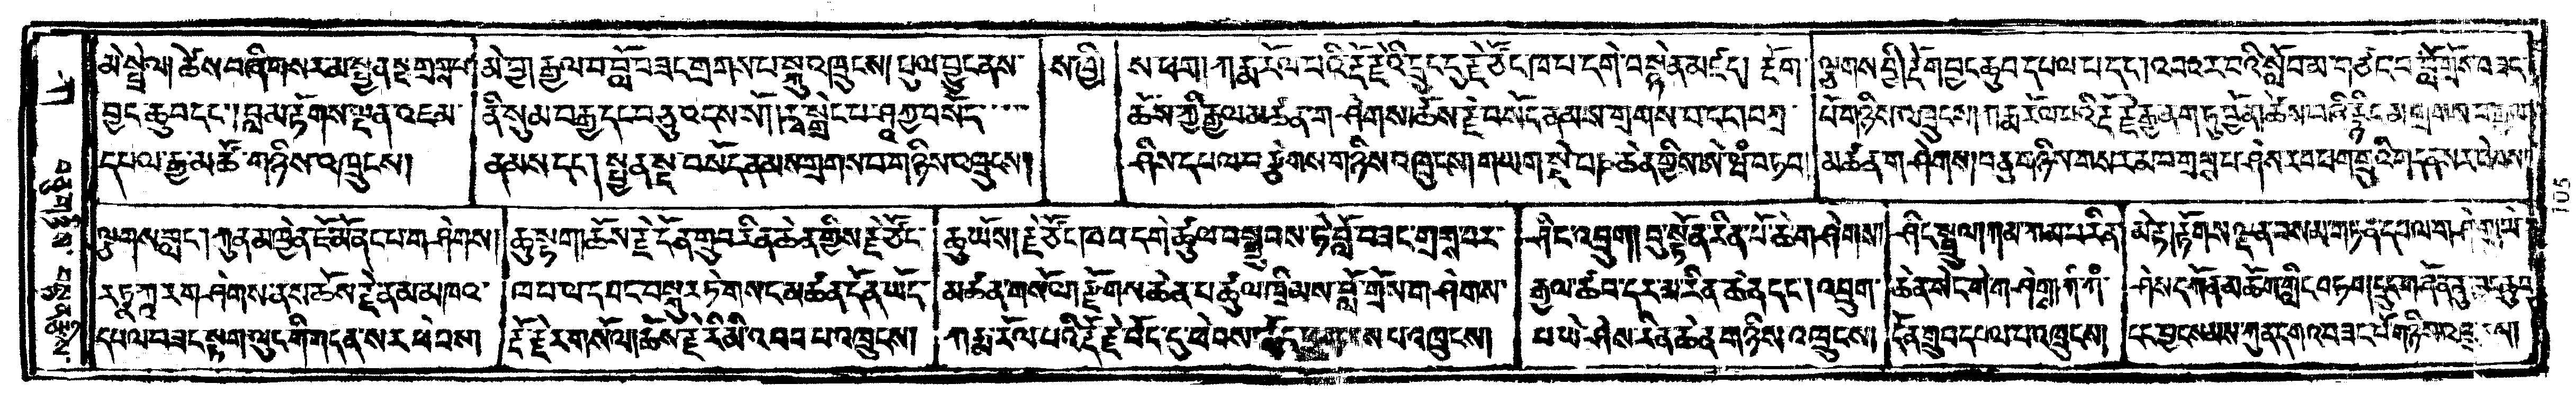༄༅། །མེ་སྤྲེལ། ཚེས་བཞི་གསར་མ་སྤྱན་སྔ་གྲགས་པ་མེ་བྱ། རྒྱལ་བ་བློ་བཟང་གྲགས་པ་སྐུ་འཁྲུངས། ཕུལ་བྱུང་ནས་ས་ཁྱི་ས་ཕག། ཀརྨ་རོལ་པའི་རྡོ་རྗེའི་དྲུང་དུ་རྗེ་ཙོང་ཁ་པ་དགེ་བསྟེན་མཛད་རྡོག་ལྕགས་བྱི། རྡོག་བྱང་ཆུབ་དཔལ་པ་དང་། འབའ་ར་བའི་སློབ་མ་གཙང་བ་བློ་གྲོས་བཟང་
བྱང་ཆུབ་དང་། བླ་མ་རྟོགས་ལྡན་འཇམ་ནི་སུམ་བརྒྱ་དང་བཅུ་འདས་སོ། །རྭ་སྒྲེང་པ་ཤཱ་ཀྱ་བསོད་ཆོས་ཀྱི་རྒྱལ་མཚན་གཤེགས་ཆོས་རྗེ་བསོད་ནམས་གྲགས་པ་དང་། བཀྲ་པོ་གཉིས་འཁྲུངས། རྨ་རོལ་པའི་རྡོ་རྗེ་རྒྱ་ནག་ཏུ་བྱོན། ཚེས་བཞི་རྙིང་མགྲགས་??
དཔལ་རྒྱ་མཚོ་གཉིས་འཁྲུངས། ནམས་དང་། སྤྱན་སྡ་བསོད་ནམས་གྲགས་པ་གཉིས་འཁྲུངས། ཤིས་དཔལ་བརྩེགས་གཉིས་འཁྲུངས། གཡག་སྡེ་བཎ་ཆེན་གྱིས་ཨེ་ཝཾ་བཏབ། མཚན་གཤེགས། བཅུ་གཉིས་གསར་མ་བགྲགས་པ་ཤེས་རབ་ཕག་གྲུའི་གདན་སར་ཕེབས་
ལྕགས་གླང་། ཀུན་མཁྱེན་ཇོ་མོ་ནང་པ་གཤེགས། ཆུ་སྟག། ཆོས་རྗེ་དོན་གྲུབ་རིན་ཆེན་གྱིས་རྗེ་ཙོང་ཆུ་ཡོས། རྗེ་ཙོང་ཁ་བ་དགེ་ཚུལ་བསྒྲུབས་ཏེ་བློ་བཟང་གྲགས་པར་ཤིང་འབྲུག། བུ་སྟོན་རིན་པོ་ཆེ་གཤེགས། ཤིང་སྤྲུལ། ཀམ་ཀམ་པ་རིན་མེ་རྟ། རྟོགས་ལྡན་བསམ་གཏན་དཔལ་བ་ཤེགས་ལེ་
རཏྣ་ཀའར་གཤེགས་ནས་ཆོས་རྗེ་ནམ་མཁའ་ཁ་བ་ལ་དབང་བསྐུར་ཏེ་གསང་མཚན་དོན་ཡོད་མཚན་གསོལ། རྫོགས་ཆེན་པ་ཚུལ་ཁྲིམས་བློ་གྲོས་གཤེགས་རྒྱལ་ཚབ་དར་མ་རིན་ཆེན་དང་། འབྲུག་ཆེན་སེང་གེ་གཤེགས། གི་ཀམ། ཤེས་དཀོན་མཆོག་གླིང་བཏག། དྲུད་གཞོན་ནུ་??ཆུའ་
དཔལ་བཟང་སྟག་ལུང་གི་གདན་སར་ཕེབས། རྡོ་རྗེར་གསོལ། ཆོས་རྗེ་རི་མི་འབབ་པ་འཁྲུངས། ཀརྨ་རོལ་པའི་རྡོ་རྗེ་བོད་དུ་ཕེབས་???ཕྱགས་པ་འཁྲུངས། པ་ཡེ་ཤེས་རིན་ཆེན་གཉིས་འཁྲུངས། དོན་གྲུབ་དཔལ་པ་འཁྲུངས། དང་བྱངས་མས་ཀུན་དགའ་བཟང་པོ་གཉིས་འཁྲུངས། དོན་གྲུབ་དཔལ་པ་འཁྲུངས། དང་བྱངས་མས་ཀུན་དགའ་བཟང་གཉིས་??ལ་